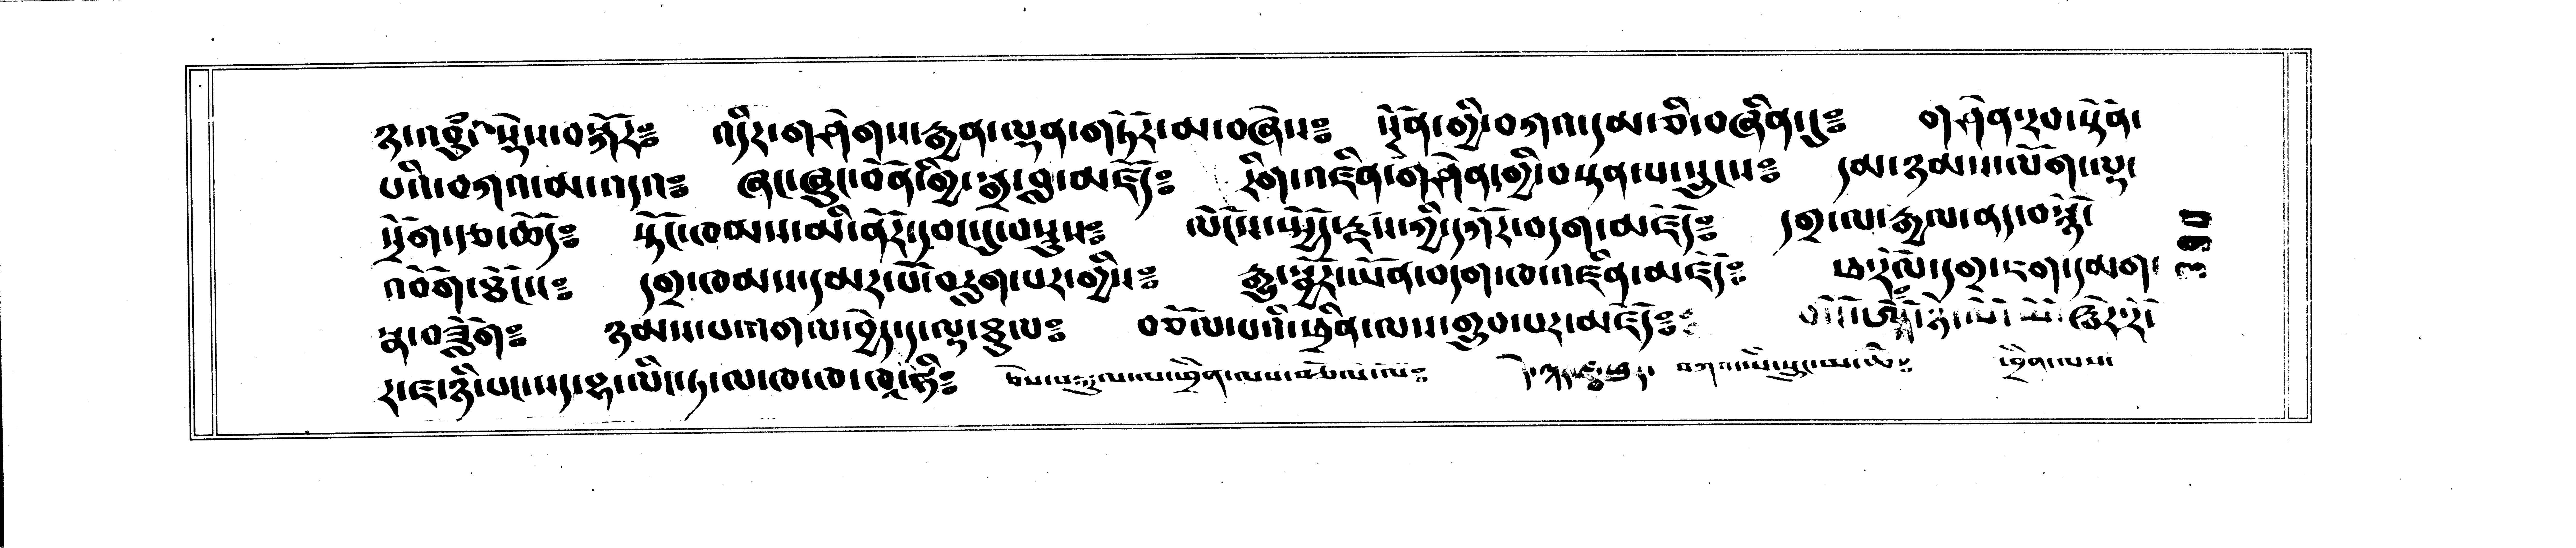ཉ་འབུམ་སྡེས་བསྐོར༔ འདིར་གཤེགས་རྒྱན་ལྡན་གཏོར་མ་བཞེས༔ སྔོན་གྱི་བཀའ་དམ་ཅི་བཞིན་དུ༔ གཤེན་རབ་སྟོན་
པའི་བཀའ་མ་འདའ༔ ཞང་ཞུང་བོན་གྱི་སྒྲ་བླ་མཛོད༔ རིག་འཛིན་གཤེན་གྱི་བསྟན་པ་སྲུངས༔ དམ་ཉམས་ལོག་ལྟ་
སྲོག་རྩ་ཆོད༔ སྟོང་ཁམས་མི་ནོར་དབང་དུ་བསྡུས༔ ལོངས་སྤྱོད་རྫས་ཀྱི་དཀོར་བདག་མཛོད༔ དགྲ་ལ་རྒྱལ་ནད་བསྙོ་
འབོག་ཐོངས༔ དགྲ་ཁམས་དམར་པོ་བརླག་པར་གྱིས༔ རྒྱུ་སྦྱོར་ཡོན་བདག་ཁ་འཛིན་མཛོད༔ ཕ་རོལ་དགྲ་ཇག་དམག་
སྣ་བཟློག༔ ཉམས་པ་འགལ་བྱེད་ད་ལྟ་ཐུལ༔ བཅོལ་པའི་ཕྲིན་ལས་གྲུབ་པར་མཛོད༔༔ བསྭོ་ཨཱོཾ་ཉེ་ལོ་ཡོ་ཝེར་རོ་
ར་ཛ་ཉི་པང་སད་བྷ་ལིང་ཏ་ལ་ཁ་ཁ་ཁཱ་ཧི༔ ཅེས་བསྐུལ་ལ་ཕྲིན་ལས་བཅོལ་ལོ༔ དེ་ལྟར་ཛྭ་ཕུར་བཀའ་ཡི་སྲུང་མ་ཆེ༔ ཕྲིན་ལས་